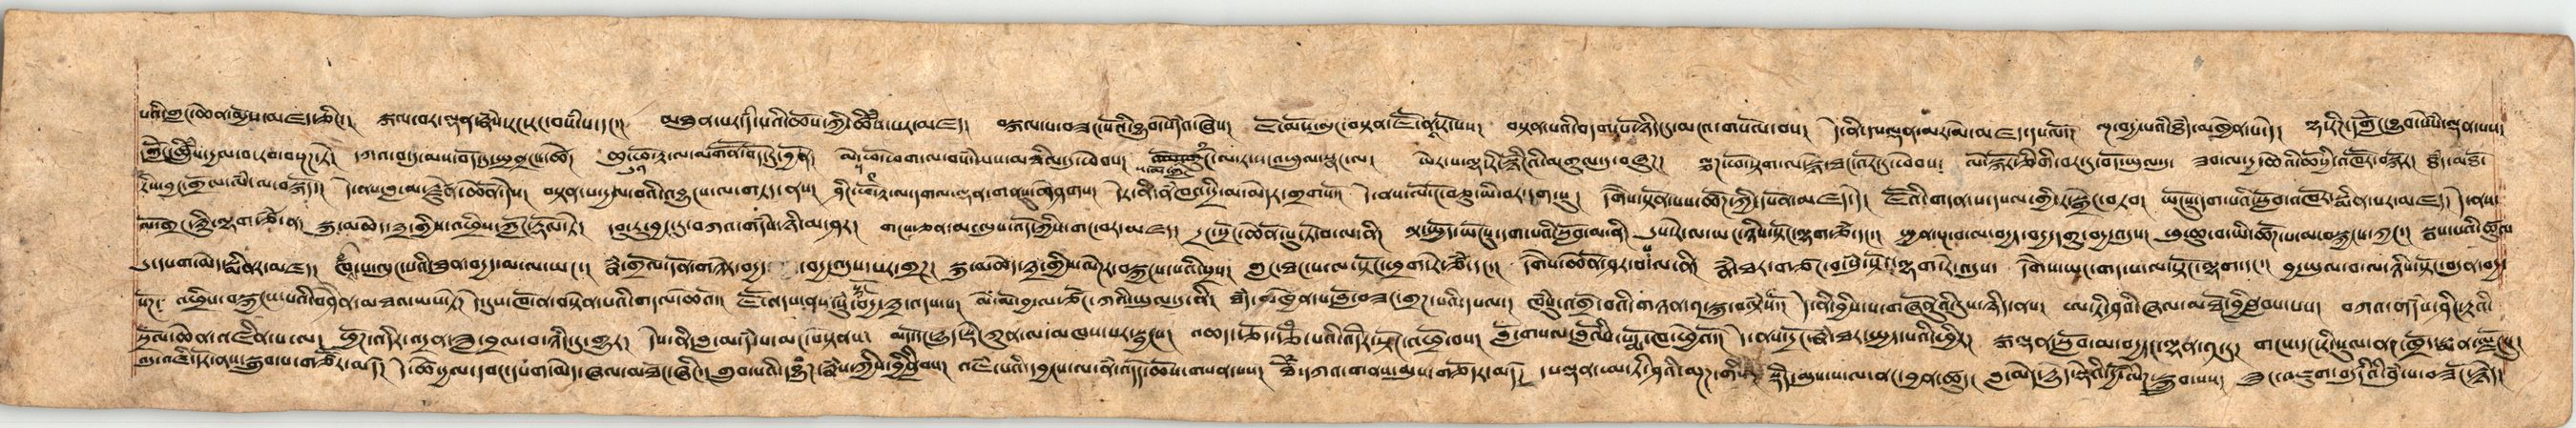པའི་གླང་ཆེན་མྱོས་མཛད་ཅིང་། སྐལ་བར་ལྡན་རྣཾས་རང་རང་བསཾ་པ་དང་། མཐུན་པར་དཾ་པའི་ཆོས་ཀྱི་ཚིཾས་པར་མཛད། བསྐལ་པ་བཟང་པོའི་བྱུབ་སེདཾའ་ཞེས། ཇོ་མོས་ལུང་བསྟན་ཇཽ་ནཱ་རོ་པས། བསྟན་པའི་བདག་པོ་ཉིད་དུ་མངའ་གསོལ་བས། དེ་ནི་དཔལྡན་མར་མེ་མཛད་དཔལོ་། ལྔ་བདྱ་པའི་ཐཾད་མཁྱེན་པ་དེ། ལྷ་རིཌ་དགླེོང་བྱུབ་སེསཾ་ལྡན་པས།
དགླེོང་ཚྲིུཾས་དྱལ་བ་རབ་བསྔཌ་ཏེ། དཀའ་བ་དུ་མས་བོད་དུ་སྤྱནྲངས་ཚེ། ཆུ་ཕོ་རྟ་ལ་མགཽན་བོད་དུ་བྱོན། མེ་མོ་ཕག་ལ་བསཾ་ཡས་མཐིལ་དུ་ཕེབས། ས་མོ་གླང་ལ་ར་ས་འཕྲུལ་སྣང་ལ། ཡེར་པ་ལྷ་རི་སྙིངོའི་མགུལ་དུ་བཞུཌ། ལྕཌ་ཕོ་སྟག་ལ་སྙེ་ཐང་འོར་དུ་ཕེབས། ལོ་སྐོར་ཅིགི་བར་དུ་བོད་ཡུལ་དུ་ ཟབ་ལ་དྱ་ཆེའི་ཆོསྱི་འཁཽར་བསྐོར། ཐཾད་མཐོ་
རིས་བྱང་གྲོལ་ལཾ་ལ་བསྐོད། དེ་ནས་བླ་མ་རྗེཙུན་ཆེནོ་དེས། བསྟན་པ་དྱལ་བའི་འབྱུངས་ལ་གཏད་ནས། ཤིང་ཕོ་རྟ་ལ་དགའ་ལྡན་གནསུ་གཤེགས། དེར་ནི་ནཾཁའ་དྲི་མ་མེད་པར་གྲགསོ། དེ་ནས་ལོ་ངོ་བཅུ་ཡི་བར་དག་ཏུ། དགཻས་སྟོན་པས་ཚོཌ་ཀྱི་དཔོན་མཛད་དེ། ཇཽའི་གདན་ས་དཔལ་གྱི་ར་སྒྲེང་བཏབ། ཡོངསུ་དག་པའི་སློབ་འཁོར་སྨིན་པར་མཛད། དེ་ནས་
ལོ་གྲང་ཉིུ་ལྷག་ཙཾ་ན། སྐུ་མཆེད་༣་གྱིས་འཕྲིས་ཀློང་རྡོལ་ཏེ། དབུ་རུ་བྱང་དུ་བཀའ་གདཾས་ཉི་མ་ཤར། གངས་ཅན་མ་ལུས་འོད་ཀྱིས་གང་བར་མཛད། དྲང་སྲོང་ཆེནོ་པུ་ཏོ་བ་ལ་ནི། ལྟ་སྤྱོད་ཡོངསུ་དག་པའི་སློབ་མ་ནི། དུས་རེ་ལ་ཡང་ཉིས་སྟོང་ལྷག་ཙཾ་དང་། སྤྱན་སྔ་བ་ལ་བདྱད་བདྱ་དགུ་བདྱ་འདུས། ཕུ་ཆུང་བ་ཡི་ཚོཌ་པ་མ་བསྐྱངས་ཀྱང་། སྦས་པའི་ཚུལ་
དུ་དཔག་མེད་སྨིནར་མཛད། ཁཾས་པ་ལུང་པའི་ཐུན་བདྱད་མ་ལ་ཡང་། རྣཾ་གྲོལ་དོན་གཉེར་བདྱད་བདྱ་འདུས་པར་གྲཌ། སྐུ་མཆེད་༣་གྱིས་ལེཌར་བསྐྱངས་པའི་སྲས། གླང་ཐང་པ་ལ་སྟོང་ཕྲག་རེ་ཙཾ་དང་། དགཻས་ཆེནོ་ཤར་བ་པ་ལ་ནི། རྣཾ་ཐར་གཙང་བ་སུཾ་སྟོང་ལྷག་རེ་འདུས་ དགཻས་ཡང་གད་པ་ལ་སྟོང་ལྷག་དང་། བྱ་ཡུལ་བ་ལ་ཉིས་སྟོང་བདུན་བདྱ་
སོཌ། འཕྲིས་བསྐྱངས་པའི་བཤཻན་མཐའ་ཡས་ཏེ། དེ་དུས་ཁོ་ན་བསྟེན་པའི་གདལ་ཆེའོ། ཇཽ་འདས་ནས་སུཾ་བདྱ་༣་འདས་པ། མེ་མོ་བྱ་ལ་ཙོང་ཀའི་ཡུལ་དུ་ནི། ཐཾད་མཁྱེན་པ་བློ་བཟང་གྲཌ་པའི་དཔལ། ཁཾསུ་འགྲོ་བའི་གཉན་༡་སྐུ་བལྟཾསོ། དེ་ནི་བྱིས་པ་གཞོནུའི་དུས་ཉིད་ནས། ཨ་ཏི་ཤའི་ཞལ་མཐོང་བྱིནླབས་པས། བཀའ་གདཾས་ཤིང་རྟའི་
སྲོལ་ཆེན་འཛིན་པ་ལ། ཕྱོཌ་འདིར་འགྲན་ཟླ་བྲལ་བ་ཉིད་དུ་གྱུར། དེས་ནི་བླ་མ་དཾ་པ་མང་བསྟེནས། མདོ་དང་དྱུད་སྡེ་ཀུན་ལ་མཁས་པར་སྦྱངས། འཆད་རྩོད་རྩོཾ་པའི་འོདེར་སྟོང་འཕྲོ་བས། བློ་གསལ་བློའིས་པདྨ་ཁ་ཕྱེའོ། དེ་ནས་དྲོང་རྣཾ་ཐར་སྤྱད་པའི་ཕྱིར། སྐལྡན་སློབ་མ་བདྱད་དང་ལྷན་༡་ཏུ། གངས་དང་རི་སུལ་ནཌ་ཁྲོད་སྨན་ལྗོངསུ།
འདུ་འཛི་དོར་ནས་སྒྲུབ་པ་གཙཽར་མཛད། དེ་ཚེ་དྱལ་དབང་དཔག་མེད་ཞལ་མཐོང་ཞིང་། གྲུབ་པའི་དབྱུཾཌ་རྣཾས་ཀྱིས་བྱིནླིབས། འཇཾ་པའི་དབྱངས་ལ་ནཾ་འདོད་ཆོས་གསན་པས་། ཐེ་ོཾདཀའ་གནས་མུས་གཅོདར་མཛད། དཔལྡན་ཨ་ཏི་ཤའི་མྔཌ་གིས། སྡེདོ་མུས་པ་ལ་ནང་བྱན་ཚུད། བླ་མེད་དྱུད་སྡེའི་དྱཚོ་ལེཌ་སྐྲུབ་པས། ཟུང་འཇུག་བདུདརྩི་བུཾ་པ་བཟངོ་རྙེད།